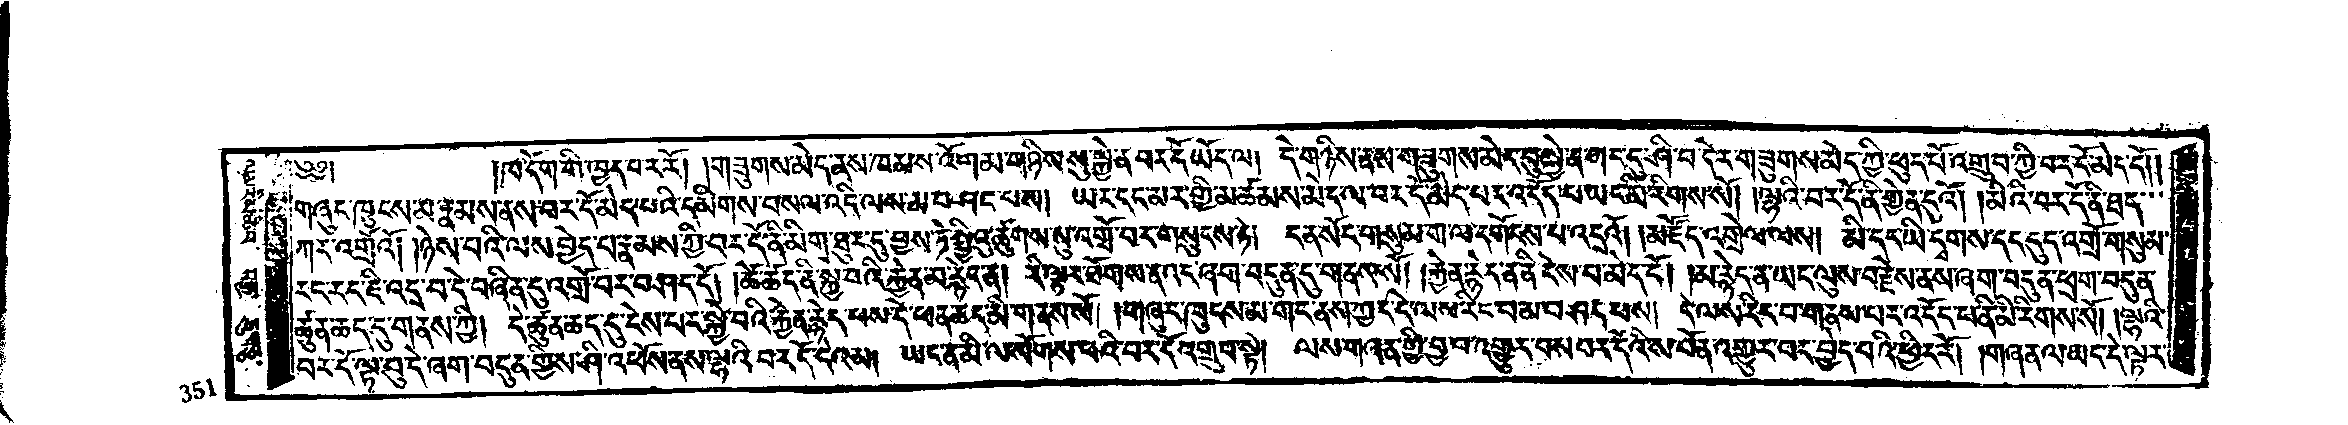༄༅། །ཁ་དོག་གི་ཁྱད་པར་རོ། །གཟུགས་མེད་ནས་ཁམས་འོག་མ་གཉིས་སུ་སྐྱེ་ན་བར་དོ་ཡོད་ལ། དེ་གཉིས་ནས་གཟུགས་མེད་དུ་སྐྱེ་ན་གང་དུ་ཤི་བ་དེར་གཟུགས་མེད་ཀྱི་ཕུང་པོ་འགྲུབ་ཀྱི་བར་དོ་མེད་དོ། །
གཞུང་ཁུངས་མ་རྣམས་ནས་བར་དོ་མེད་པའི་དམིགས་བསལ་འདི་ལས་མ་བཤད་པས། ཡར་དང་མར་གྱི་མཚམས་མེད་ལ་བར་དོ་མེད་པར་འདོད་པ་ཡང་མི་རིགས་སོ། །ལྷའི་བར་དོ་ནི་གྱེན་དུའོ། །མིའི་བར་དོ་ནི་ཐད་
ཀར་འགྲོའོ། །ཉེས་པའི་ལས་བྱེད་པ་རྣམས་ཀྱི་བར་དོ་ནི་མིག་ཐུར་དུ་བྱས་ཏེ་སྤྱིའུ་ཚུགས་སུ་འགྲོ་བར་གསུངས་ཏེ། ངན་སོང་གསུམ་ག་ལ་དགོངས་པ་འདྲའོ། །མཛོད་འགྲེལ་ལས། མི་དང་ཡི་དྭགས་དང་དུད་འགྲོ་གསུམ་
རང་རང་ཇི་འདྲ་བ་དེ་བཞིན་དུ་འགྲོ་བར་བཤད་དོ། །ཚེ་ཚད་ནི་སྐྱེ་བའི་རྐྱེན་མ་རྙེད་ན། རེ་ལྟར་ཐོགས་ནའང་ཞག་བདུན་དུ་གནས་སོ། །རྐྱེན་རྙེད་ན་ནི་ངེས་པ་མེད་དོ། །མ་རྙེད་ན་ཡང་ལུས་བརྗེས་ནས་ཞག་བདུན་ཕྲག་བདུན་
ཚུན་ཆད་དུ་གནས་ཀྱི། དེ་ཚུན་ཆད་དུ་ངེས་པར་སྐྱེ་བའི་རྐྱེན་རྙེད་པས་དེ་ཕན་ཆད་མི་གནས་སོ། །གཞུང་ཁུངས་མ་གང་ནས་ཀྱང་དེ་ལས་རིང་བ་མ་བཤད་པས། དེ་ལས་རིང་བ་གནས་པར་འདོད་པ་ནི་མི་རིགས་སོ། །ལྷའི་
བར་དོ་ལྟ་བུ་དེ་ཞག་བདུན་གྱིས་ཤི་འཕོས་ནས་ལྷའི་བར་དོ་དེའམ། ཡང་ན་མི་ལ་སོགས་པའི་བར་དོ་འགྲུབ་སྟེ། ལས་གཞན་གྱི་བྱ་བ་འགྱུར་བས་བར་དོའི་ས་བོན་འགྱུར་བར་བྱེད་པའི་ཕྱིར་རོ། །གཞན་ལ་ཡང་དེ་ལྟར་